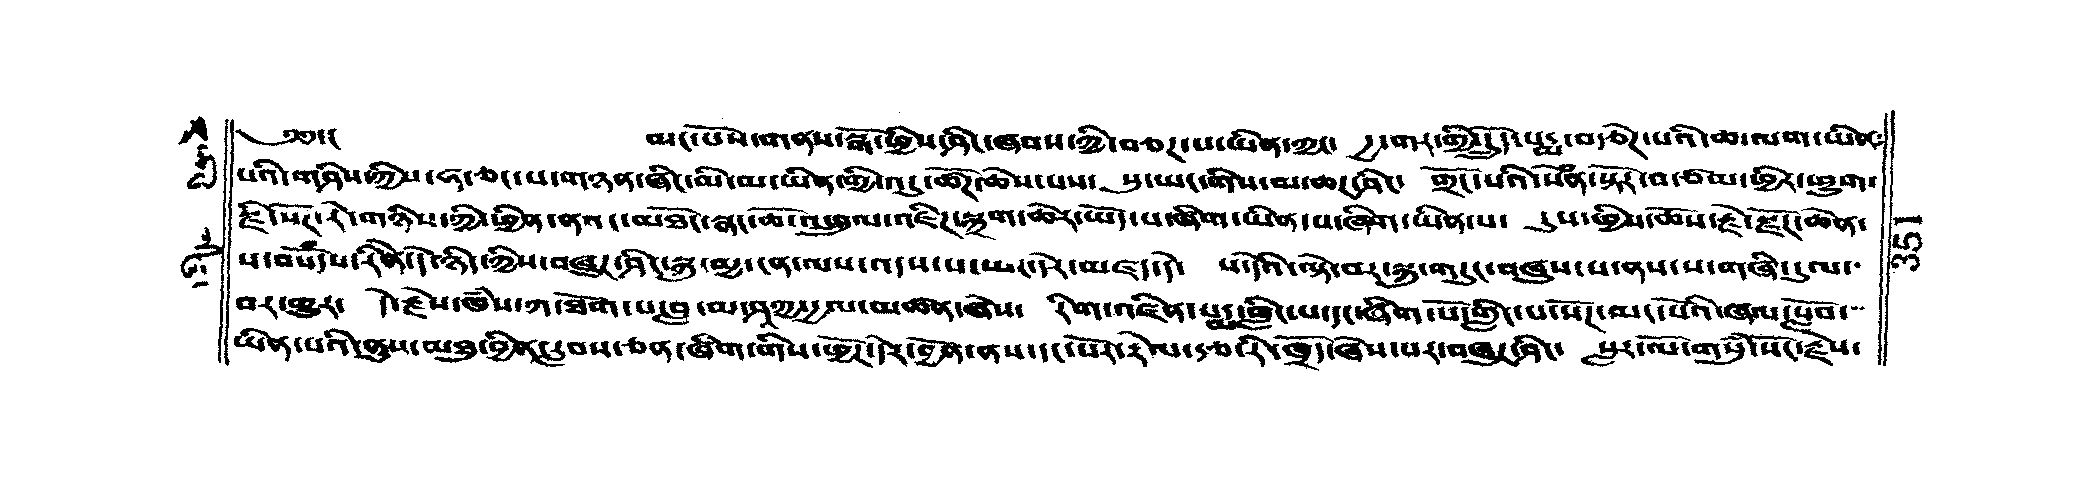མང་པོས་གནས་སྒོ་ཕྱེས་ཤིང་ཞབས་ཀྱི་བཅགས་པ་ཡིན་ཀྱང་། རྒྱ་གར་གྱི་དུར་ཁྲོད་པདྨ་བརྩེགས་པའི་ཆ་ལག་ཡིན་
པའི་གཤིས་ཀྱིས་ཧ་ཅང་ས་གཉན་ཞིང་མི་མ་ཡིན་གྱི་འདུ་ཚོགས་ཆེ་བས། སུ་ཡང་གིས་མ་ཆགས་ཤིང་། གྲོང་པའི་སེམས་ཅན་སྟོར་བ་ཙམ་ཕྱིར་ཕྱུགས་
རྫི་སོགས་རེ་གཉིས་ཀྱི་ཕྱིན་ནའང་མཐོང་སྣང་ཆོ་འཕྲུལ་འཇིགས་སྐྲག་ཆེར་ཡོད་པ་ཞིག་ཡིན་པ། དུས་ཕྱིས་ཆོས་རྗེ་རྫོགས་ཆེན་
པ་བསོད་ནམས་རིན་ཆེན་དེ་ཉིད་ཀྱིས་བཞུགས་ཤིང་སྐུ་མྱ་ངན་ལས་འདའ་ས་ཡང་དེར་མཛད་དེ། ས་དེའི་ལྟེ་བར་སྐུ་གདུང་བཞུས་པ་ནས་ས་གཞི་དུལ་
བར་གྱུར། དེ་རྗེས་ཁམས་ཀཿཐོག་པ་བླ་མ་ཤཱཀྱ་རྒྱལ་མཚན་ཞེས། རིག་འཛིན་པདྨ་གླིང་པ་དང་ཞིག་པོ་གླིང་པ་སོགས་མང་པོའི་ཞལ་སློབ་
ཡིན་པའི་ནུས་མཐུ་བྱིན་རླབས་ཅན་ཞིག་གིས་ཕྱོགས་དེར་བྱོན་ནས་དང་པོར་རྟེལ་རྩ་རི་ཁྲོད་ཞེས་པར་བཞུགས་ཤིང་།སླར་ལོ་གསུམ་སོང་རྗེས་